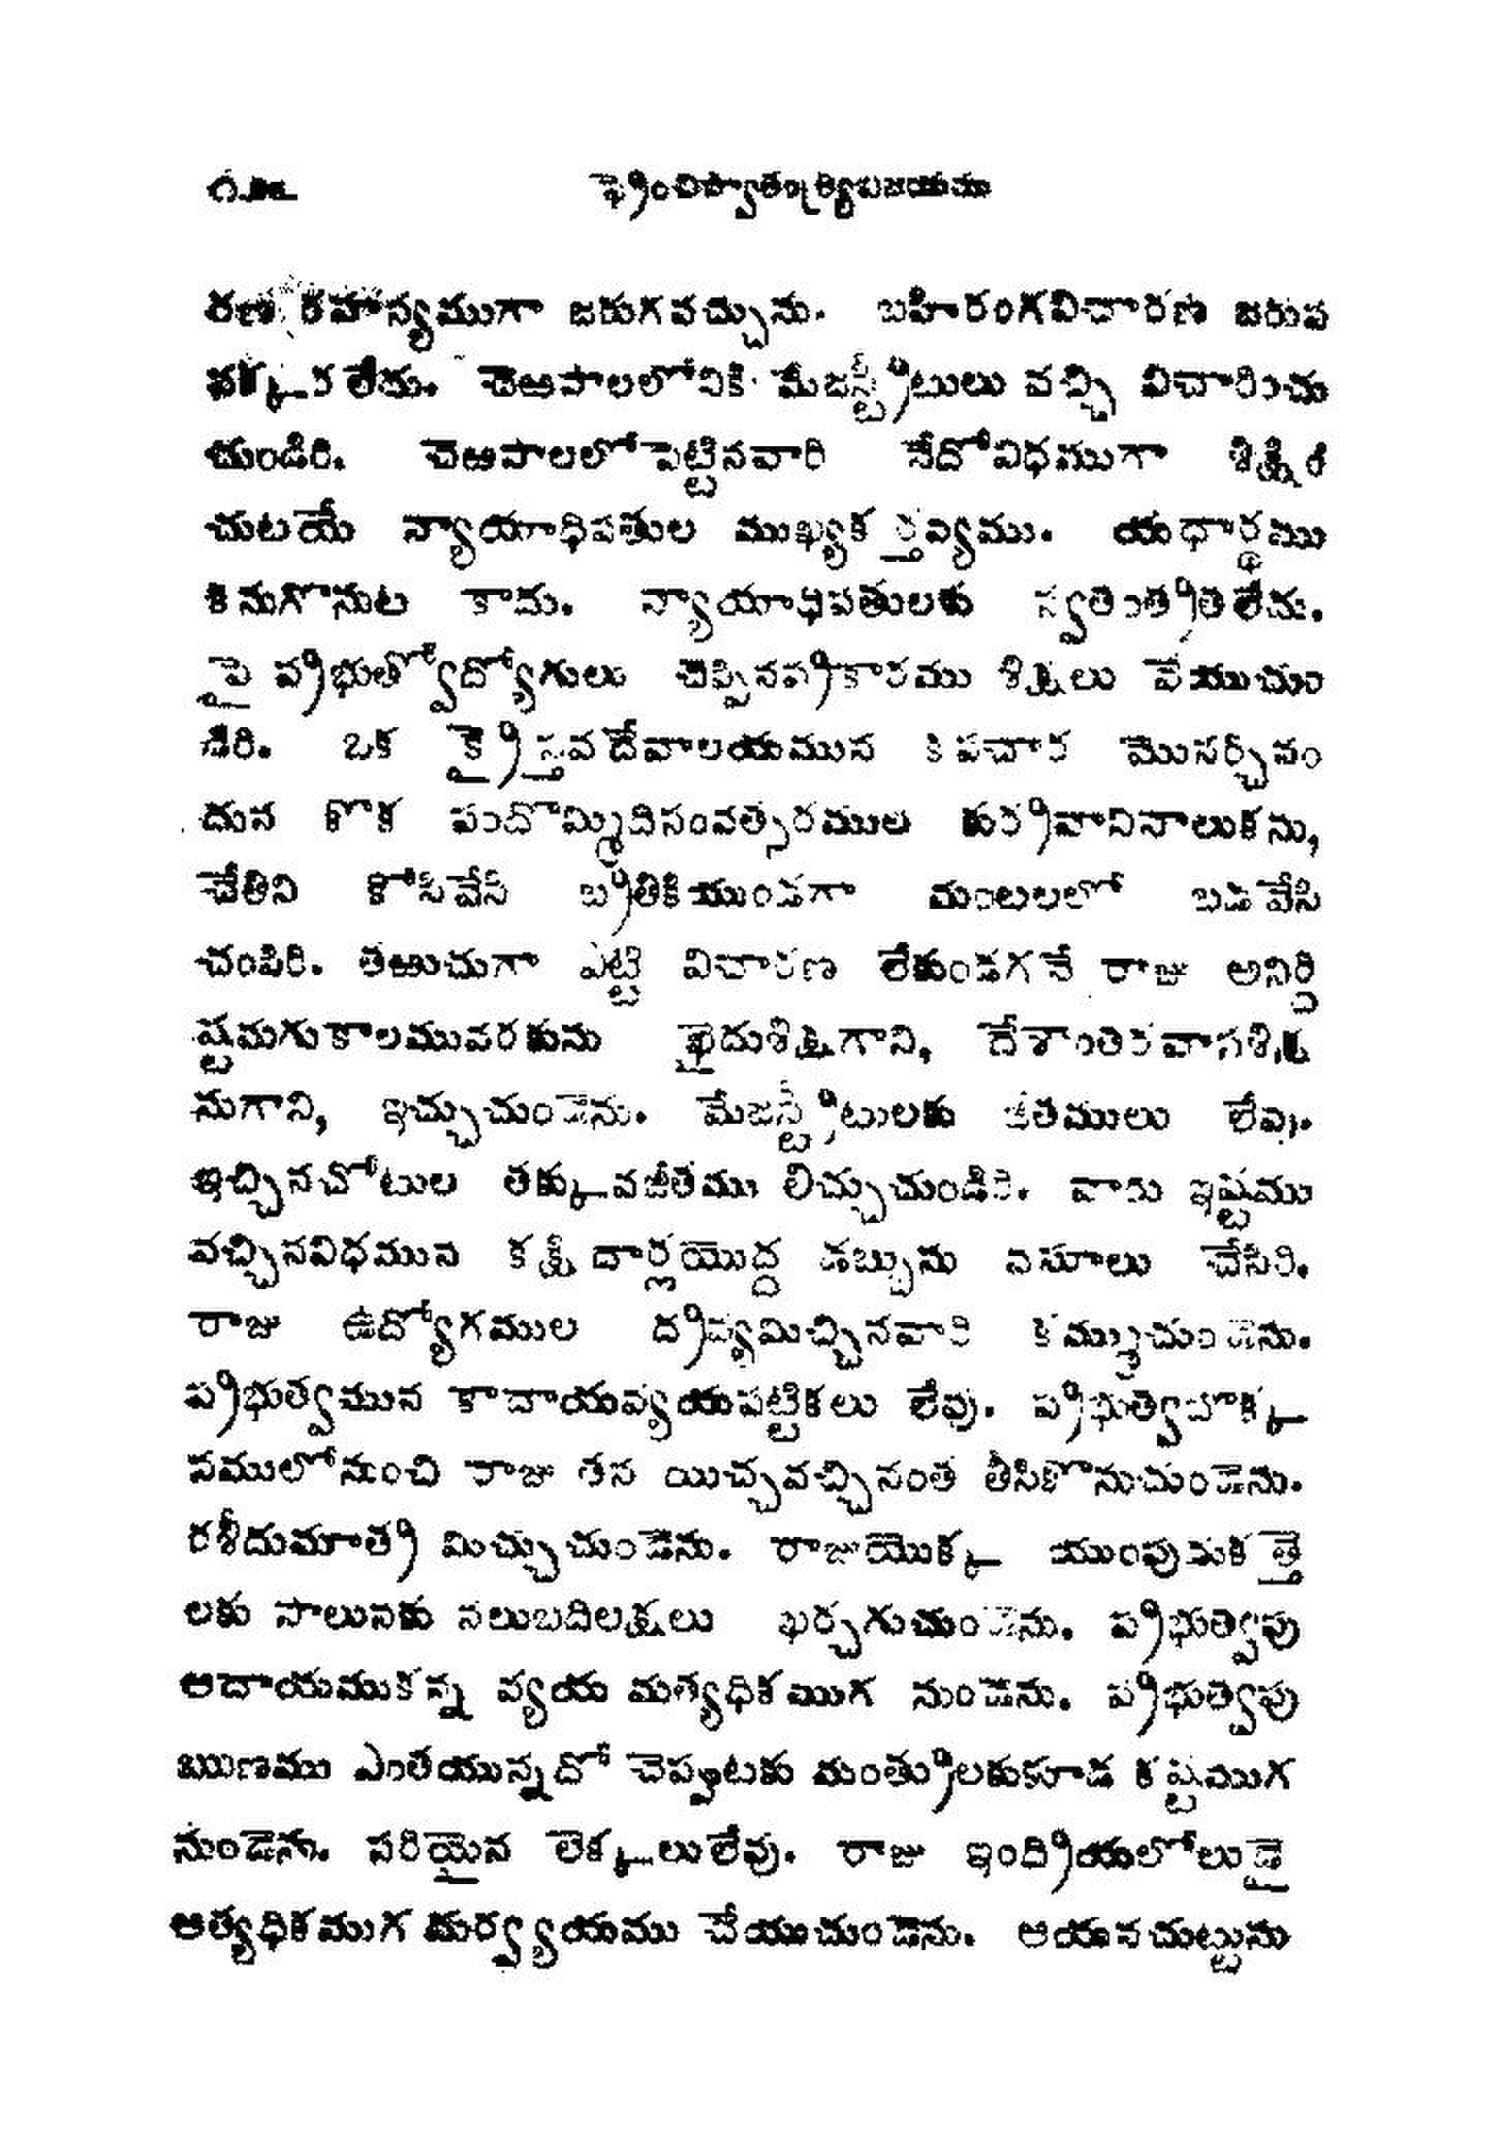రణ రహస్యముగా జరుగవచ్చును. బహిరంగ విచారణ జరుప
నక్కర లేదు. చెఱసాలలోనికి 'మేజిస్ట్రేటులు వచ్చి విచారించు
చుండిరి. చెరపాలలో పెట్టినవారి నేదోవిధముగా శిక్షిం
చుటయే న్యాయాధిపతుల ముఖ్యకర్తవ్యము. యధార్థము
కనుగొనుట కాదు. న్యాయాధిపతులకు స్వతంత్రత లేదు.
పై ప్రభుత్వోద్యోగులు చెప్పిన ప్రకారము శిక్షలు వేయుచుం
డిరి. ఒక క్రైస్తవ దేవాలయమున కపచార మొస్చర్చినం
దున కొక పంతొమ్మిది సంవత్సరముల కుర్రవాని నాలుకను,
చేతిని,కోసివేసి బ్రతికి యుండగా మంటలలో
బడి వేసి చంపిరి. తఱుచుగా ఎట్టి విచారణ లేకుండగనే రాజు అనిర్ది
ష్టమగుకాలము వరకును ఖైదుశిక్ష గాని, దేశాంతర వాసశిక్ష,
సుగాని, చుండెను. మేజిస్ట్రేటులకు జీతములు లేవు,
ఇచ్చిన చోటుల తక్కువ జీతము లిచ్చుచుండిరి.. వారు ఇష్టము
వచ్చిన విధమున కక్షి దార్ల యొద్ద డబ్బును వసూలు చేసిరి.
రాజు ఉద్యోగముల దవ్యమిచ్చినవారి కమ్ము చుండెను.
ప్రభుత్వమున కాదాయవ్యయ పట్టికలు లేవు. ప్రభుత్వబొక్క
సములో నుంచి రాజు తన యిచ్చవచ్చినంత తీసికొను చుంచెను.
రశీదు మాత్ర మిచ్చుచుండెను. రాజు యొక్క యుంపుడుకత్తె
లకు సౌలునకు నలుబదిలక్షలు ఖర్చగుచుండెను. ప్రభుత్వపు
ఆదాయముకన్న వ్యయ మత్యధికముగ నుండెను. ప్రభుత్వపు
ఋణము ఎంతయున్నదో చెప్పుటకు మంత్రులకు కూడ కష్టముగ
నుండెను. పరియైన లెక్కలు లేవు. రాజు ఇంద్రియ లోలుడై
అత్యధికముగ దుర్వ్యయము చేయుచుండెను. ఆయన చుట్టును